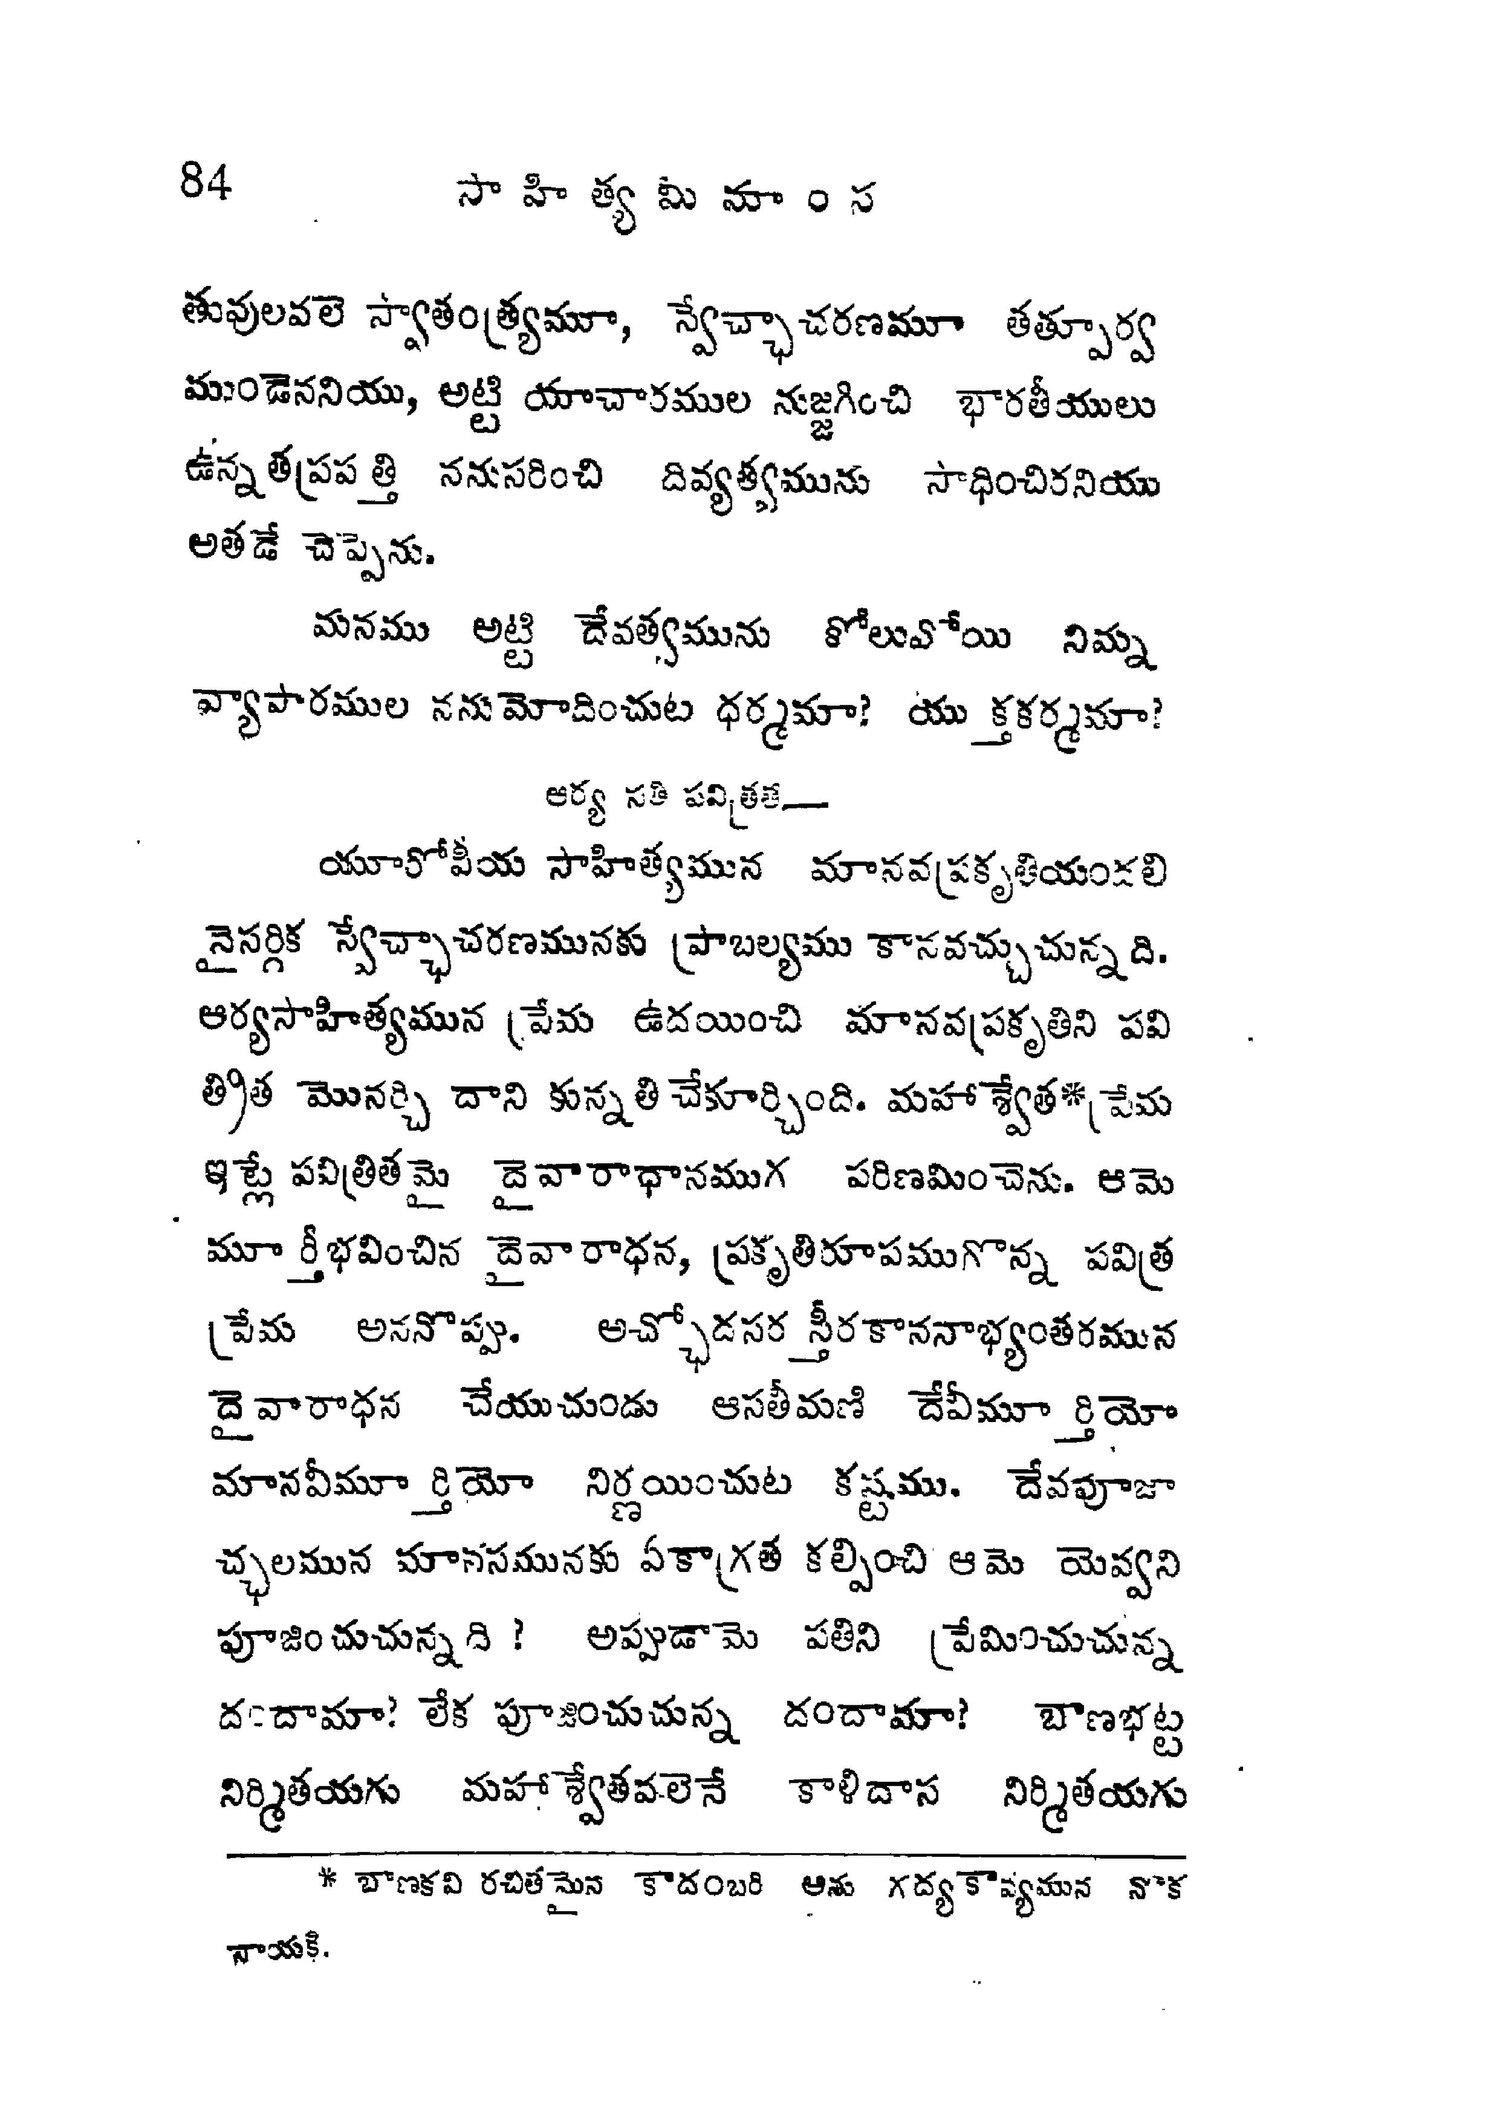తువులవలె స్వాతంత్ర్యమూ, స్వేచ్ఛాచరణమూ తత్పూర్వ ముండెననియు, అట్టి యాచారముల నుజ్జగించి భారతీయులు ఉన్నతప్రపత్తి ననుసరించి దివ్యత్వమును సాధించిరనియు అతడే చెప్పెను.

మనము అట్టి దేవత్వమును కోలువోయి నీమ్న వ్యాపారముల ననుమోదించుట ధర్మమా? యుక్తకర్మమా?

యూరోపీయ సాహిత్యమున మానవప్రకృతియందలి నైసర్గిక స్వేచ్ఛాచరణమునకు ప్రాబల్యము కానవచ్చుచున్నది. ఆర్యసాహిత్యమున ప్రేమ ఉదయింది మానవప్రకృతిని పవిత్రిత మొనర్చి దాని కున్నతి చేకూర్చింది. మహాశ్వేత*ప్రేమ ఇట్లే పవిత్రితమై దైవారాధానముగ పరిణమించెను. ఆమె మూర్తీభవించిన దైవారాధన, ప్రకృతిరూపముగొన్న పవిత్ర ప్రేమ అననొప్పు. అచ్ఛోదసరస్తీరకాననాభ్యంతరమున దైవారాధన చేయుచుండు ఆసతీమణీ దేవీమూర్తియో మానవీమూర్తియో నిర్ణయించుట కష్టము. దేవపూజా చ్ఛలమున మానసమునకు ఏకాగ్రత కల్పించి ఆమె యెవ్వని పూజించుచున్నది? అప్పుడామె పతిని ప్రేమించుచున్న దందామా? లేక పూజించుచున్న దందామా? బాణభట్ట నిర్మితయగు మహాశ్వేతవలెనే కాళిదాస నిర్మితయగు